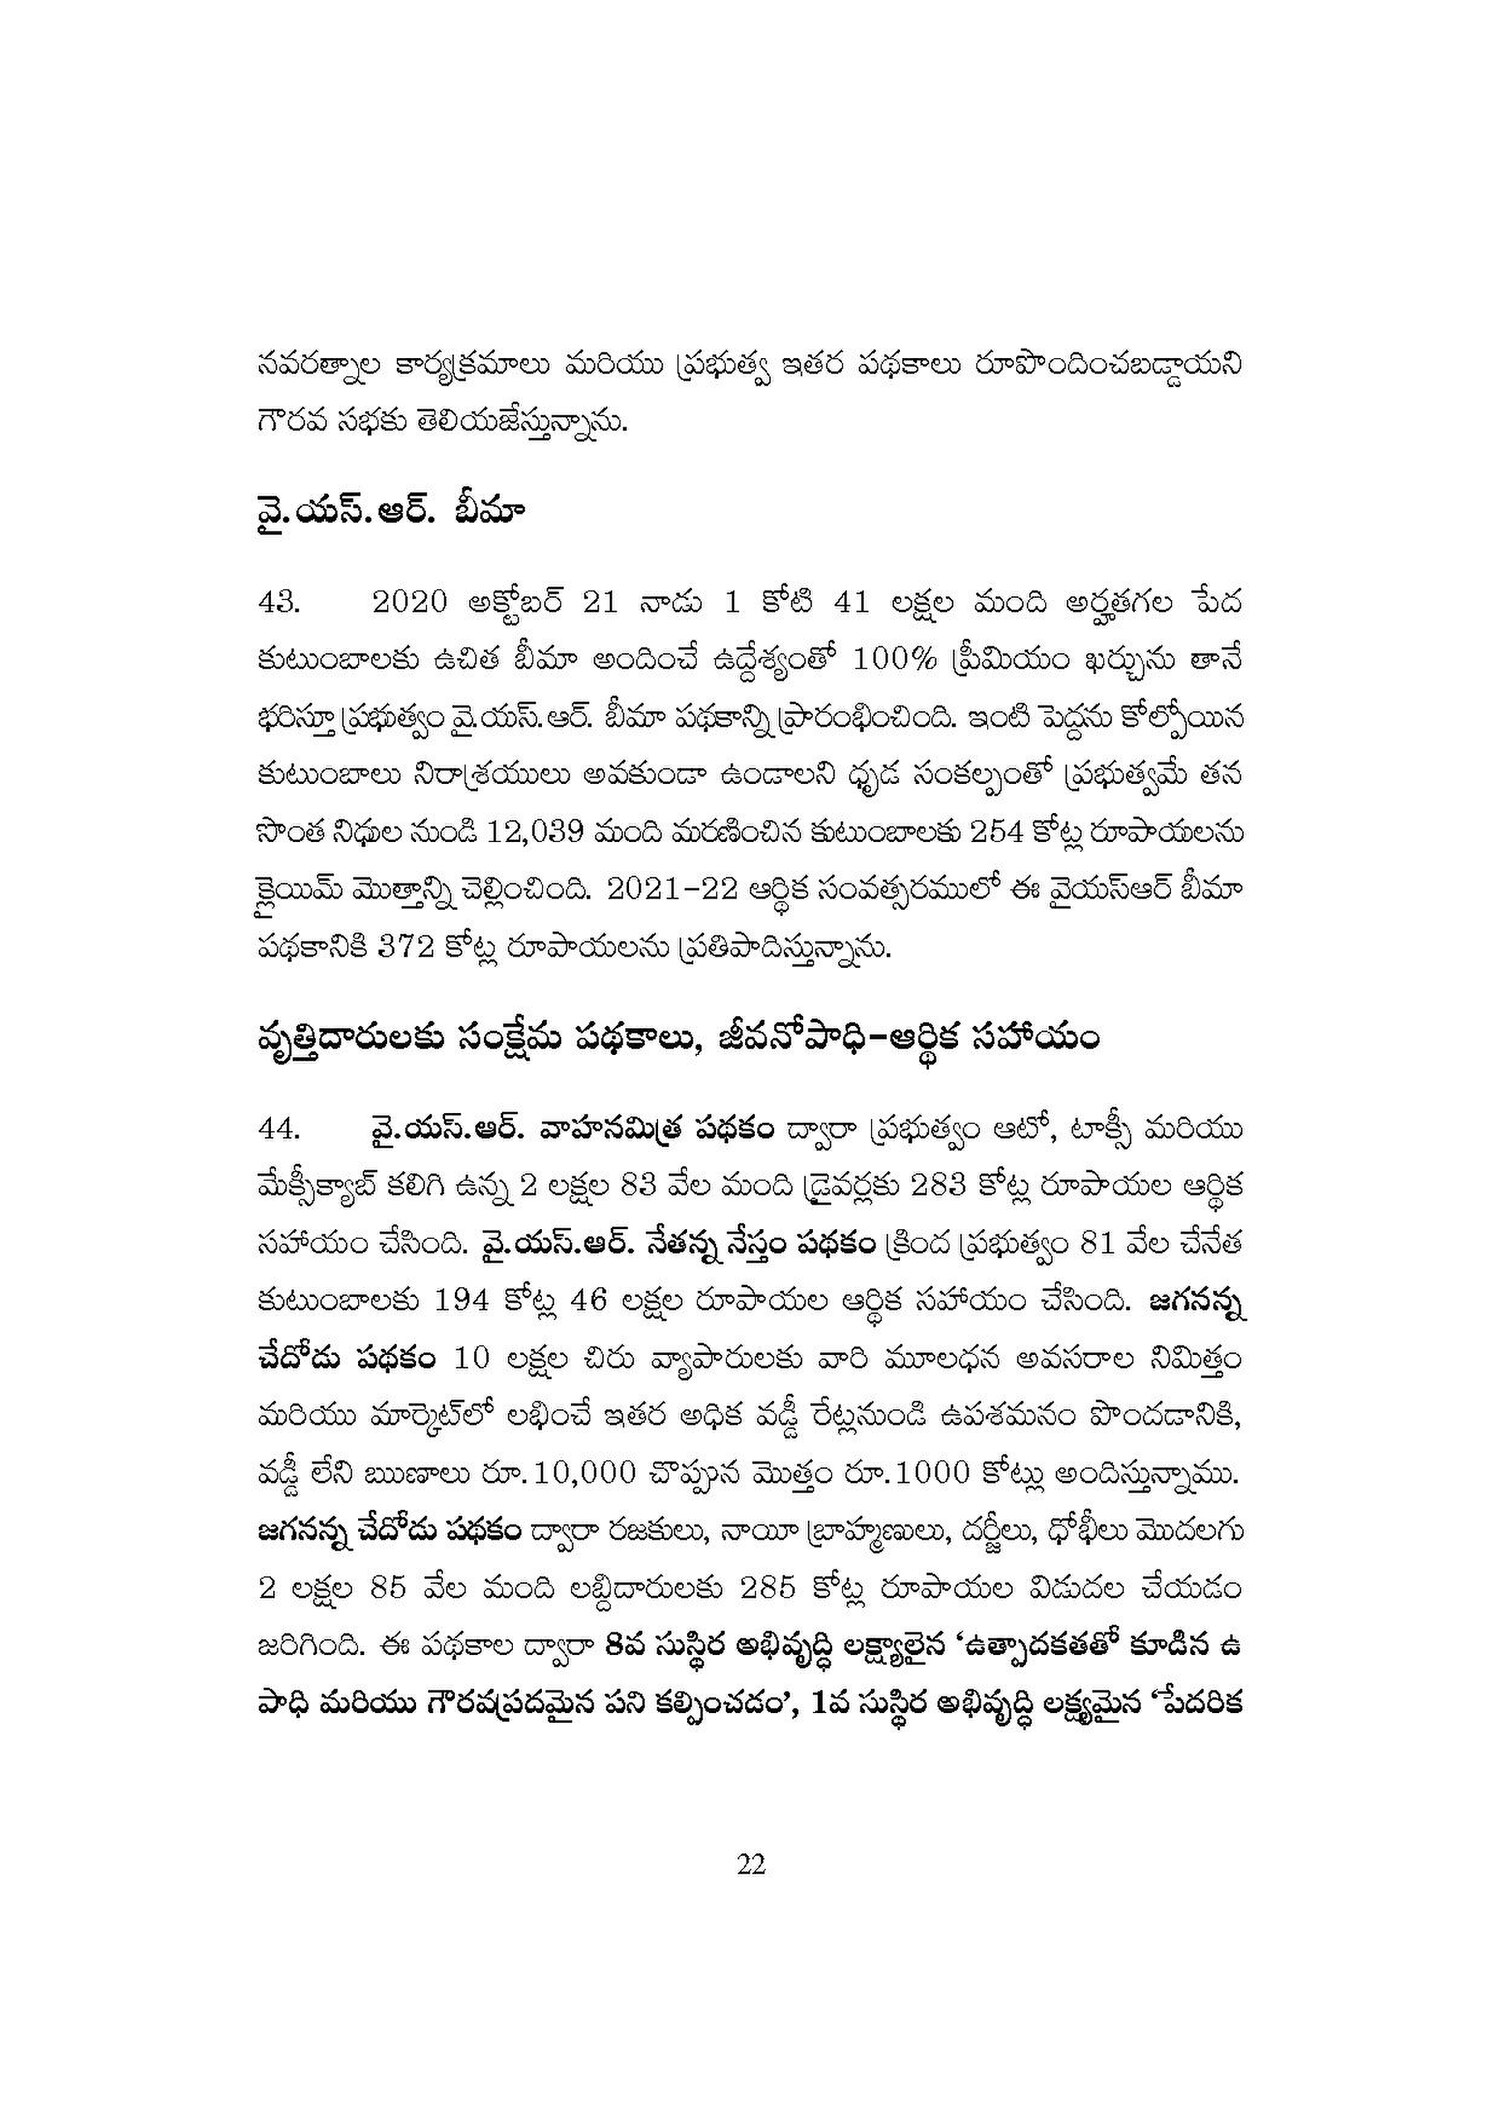నవరత్నాల కార్యక్రమాలు మరియు ప్రభుత్వ ఇతర పథకాలు రూపొందించబడ్డాయని
గౌరవ సభకు తెలియజేస్తున్నాను.

వై.యస్.ఆర్. బీమా

43. 2020 అక్టోబర్ 21 నాడు 1 కోటి 41 లక్షల మంది అర్హతగల పేద
కుటుంబాలకు ఉచిత బీమా అందించే ఉద్దేశ్యంతో 100% ప్రీమియం ఖర్చును తానే
భరిస్తూ ప్రభుత్వం వైయస్.ఆర్. బీమా పథకాన్ని ప్రారంభించింది. ఇంటి పెద్దను కోల్పోయిన
కుటుంబాలు నిరాశ్రయులు అవకుండా ఉండాలని ధృడ సంకల్పంతో ప్రభుత్వమే తన
సొంత నిధుల నుండి 12,039 మంది మరణించిన కుటుంబాలకు 254 కోట్ల రూపాయలను
క్లెయిమ్ మొత్తాన్ని చెల్లించింది. 2021-22 ఆర్థిక సంవత్సరములో ఈ వైయస్ఆర్ బీమా
పథకానికి 372 కోట్ల రూపాయలను ప్రతిపాదిస్తున్నాను.

వృత్తిదారులకు సంక్షేమ పథకాలు, జీవనోపాధి-ఆర్థిక సహాయం

44. వై.యస్.ఆర్. వాహనమిత్ర పథకం ద్వారా ప్రభుత్వం ఆటో, టాక్సీ మరియు
మేక్సీక్యాబ్ కలిగి ఉన్న 2 లక్షల 83 వేల మంది డ్రైవర్లకు 283 కోట్ల రూపాయల ఆర్థిక
సహాయం చేసింది. వై.యస్.ఆర్. నేతన్న నేస్తం పథకం క్రింద ప్రభుత్వం 81 వేల చేనేత
కుటుంబాలకు 194 కోట్ల 46 లక్షల రూపాయల ఆర్థిక సహాయం చేసింది. జగనన్న చేదోడు పథకం 10 లక్షల చిరు వ్యాపారులకు వారి మూలధన అవసరాల నిమిత్తం
మరియు మార్కెట్లో లభించే ఇతర అధిక వడ్డీ రేట్ల నుండి ఉపశమనం పొందడానికి,
వడ్డీ లేని ఋణాలు రూ.10,000 చొప్పున మొత్తం రూ.1000 కోట్లు అందిస్తున్నాము.
జగనన్న చేదోడు పథకం ద్వారా రజకులు, నాయీ బ్రాహ్మణులు, దర్జీలు, ధోభీలు మొదలగు
2 లక్షల 85 వేల మంది లబ్ధిదారులకు 285 కోట్ల రూపాయల విడుదల చేయడం
జరిగింది. ఈ పథకాల ద్వారా 8వ సుస్థిర అభివృద్ధి లక్ష్యాలైన 'ఉత్పాదకతతో కూడిన ఉపాధి మరియు గౌరవప్రదమైన పని కల్పించడం', 1వ సుస్థిర అభివృద్ధి లక్ష్యమైన 'పేదరిక